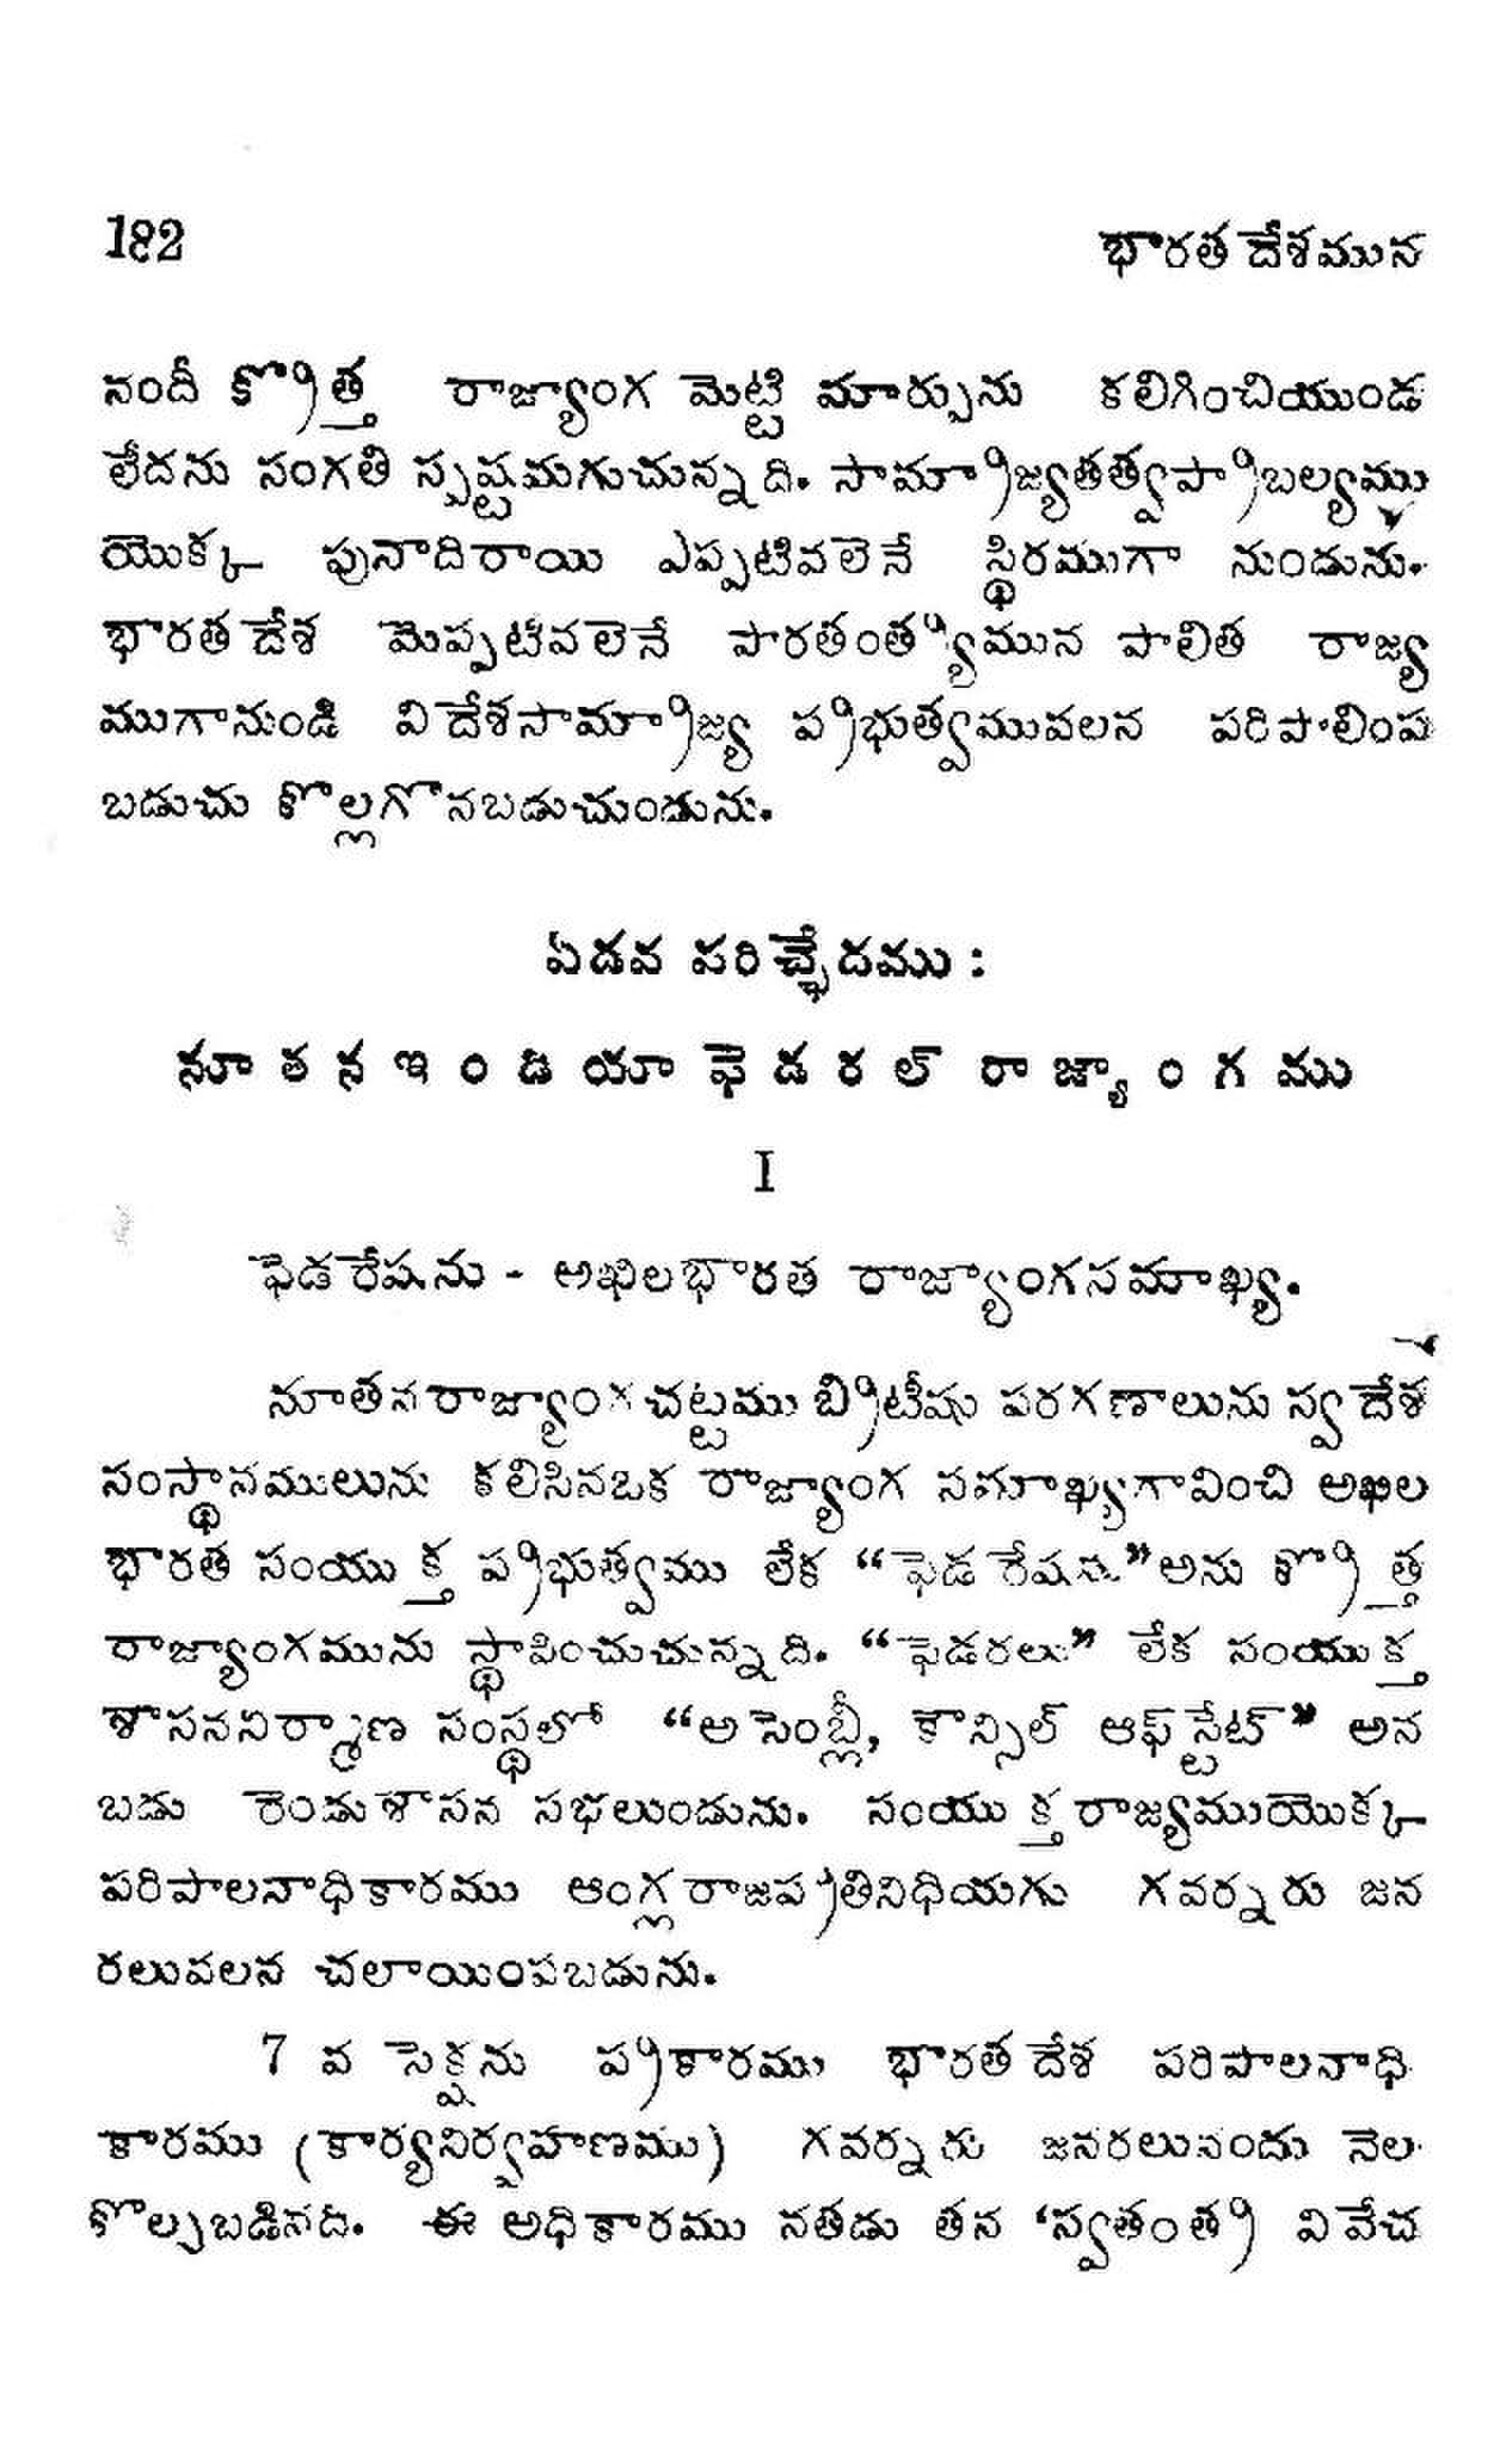నందీ క్రొత్త రాజ్యాంగ మెట్టి మార్పును కలిగించియుండ లేదను సంగతి స్పష్టమగుచున్నది. సామ్రాజ్యతత్వప్రాబల్యము యొక్క పునాదిరాయి ఎప్పటివలెనే స్థిరముగా నుండును. భారతదేశ మెప్పటివలెనే పారతంత్ర్యమున పాలిత రాజ్యముగానుండి విదేశసామ్రాజ్య ప్రభుత్వమువలన పరిపాలింప బడుచు కొల్లగొనబడుచుండును.

ఏడవ పరిచ్ఛేదము : 
నూతన ఇండియా ఫెడరల్ రాజ్యాంగము
I
ఫెడరేషను - అఖిలభారత రాజ్యాంగసమాఖ్య.

నూతనరాజ్యాంగచట్టముబ్రిటీషు పరగణాలును స్వదేశ సంస్థానములును కలిసినఒక రాజ్యాంగ సమాఖ్యగావించి అఖిలభారత సంయుక్తప్రభుత్వము లేక "ఫెడరేషను" అను క్రొత్త రాజ్యాంగమును స్థాపించుచున్నది. “ఫెడరలు" లేక సంయుక్త శాసననిర్మాణ సంస్థలో “అసెంబ్లీ, కౌన్సిల్ ఆఫ్ స్టేట్” అనబడు రెండుశాసన సభలుండును. సంయుక్త రాజ్యముయొక్క పరిపాలనాధికారము ఆంగ్లరాజప్రతినిధియగు గవర్నరు జనరలువలన చలాయింపబడును.

7 వ సెక్షను ప్రకారము భారతదేశ పరిపాలనాధికారము (కార్యనిర్వహణము) గవర్నరు జనరలునందు నెలకొల్పబడినది. ఈ అధికారము నతడు తన 'స్వతంత్ర వివేచ